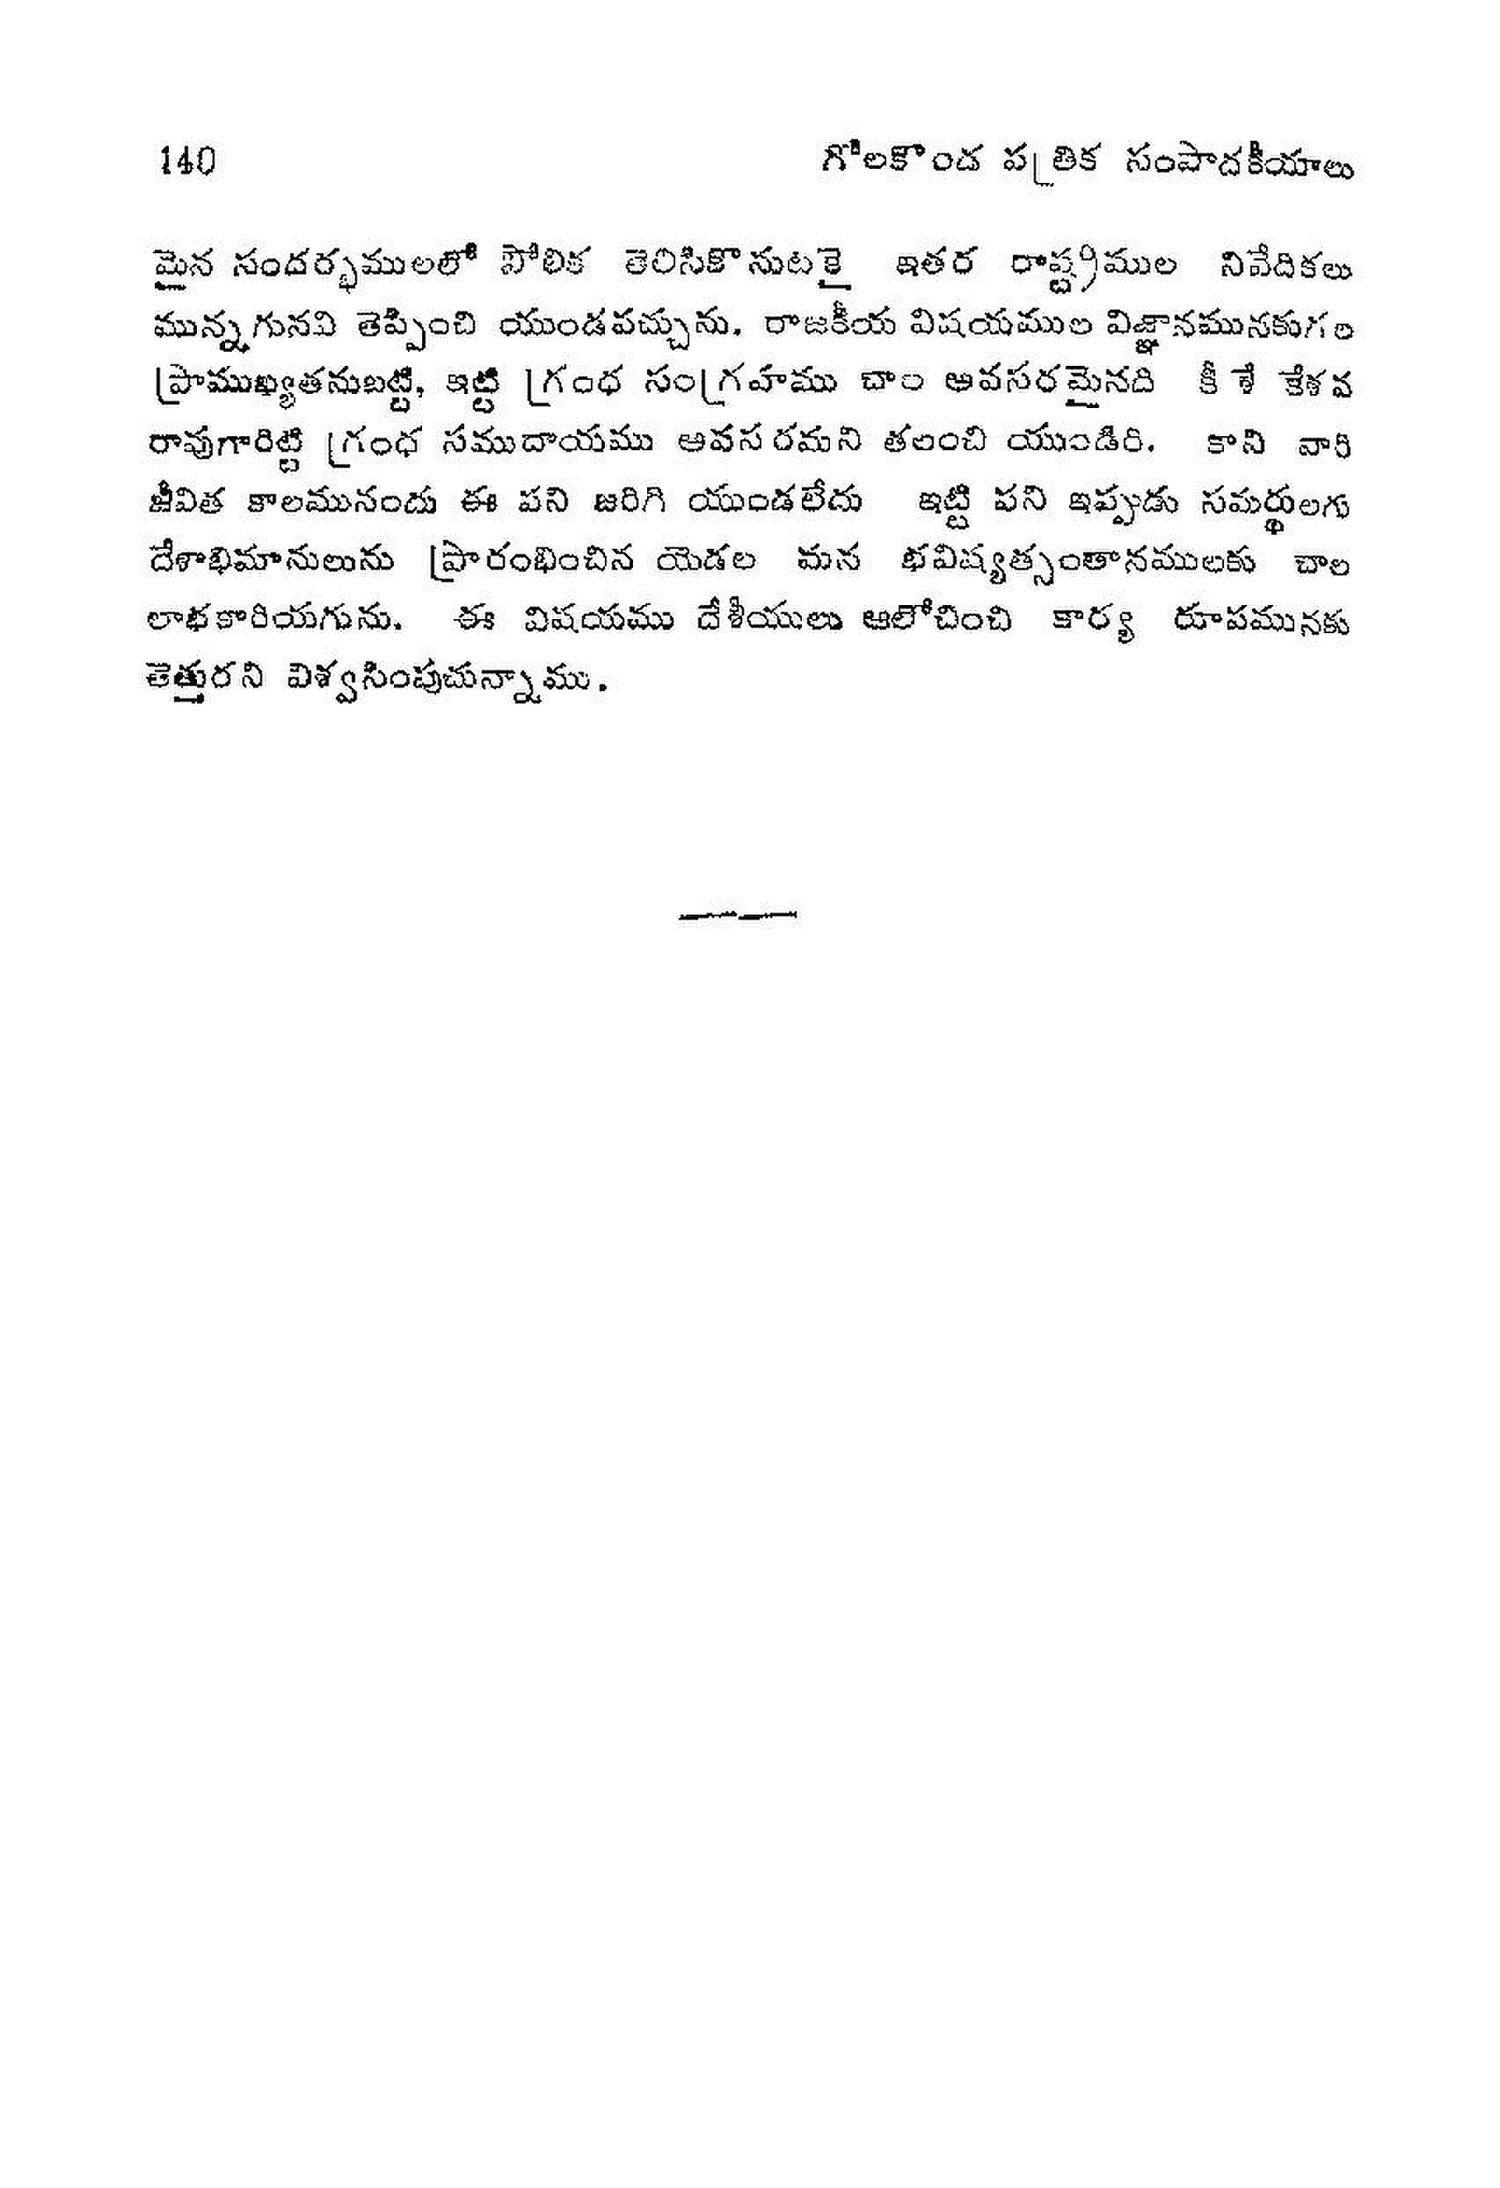మైన సందర్భములలో పోలిక తెలిసికొనుటకై ఇతర రాష్ట్రముల నివేదికలు మున్నగునవి తెప్పించి యుండవచ్చును. రాజకీయ విషయముల విజ్ఞానమునకుగల ప్రాముఖ్యతనుబట్టి, ఇట్టి గ్రంథ సంగ్రహము చాల అవసరమైనది కీ శే కేశవరావుగారిట్టి గ్రంధ సముదాయము అవసరమని తలంచి యుండిరి. కాని వారి జీవిత కాలమునందు ఈ పని జరిగి యుండలేదు ఇట్టి పని ఇప్పుడు సమర్థులగు దేశాభిమానులును ప్రారంభించిన యెడల మన భవిష్యత్సంతానములకు చాల లాభకారియగును. ఈ విషయము దేశీయులు ఆలోచించి కార్య రూపమునకు
తెత్తురని విశ్వసింపుచున్నాము.